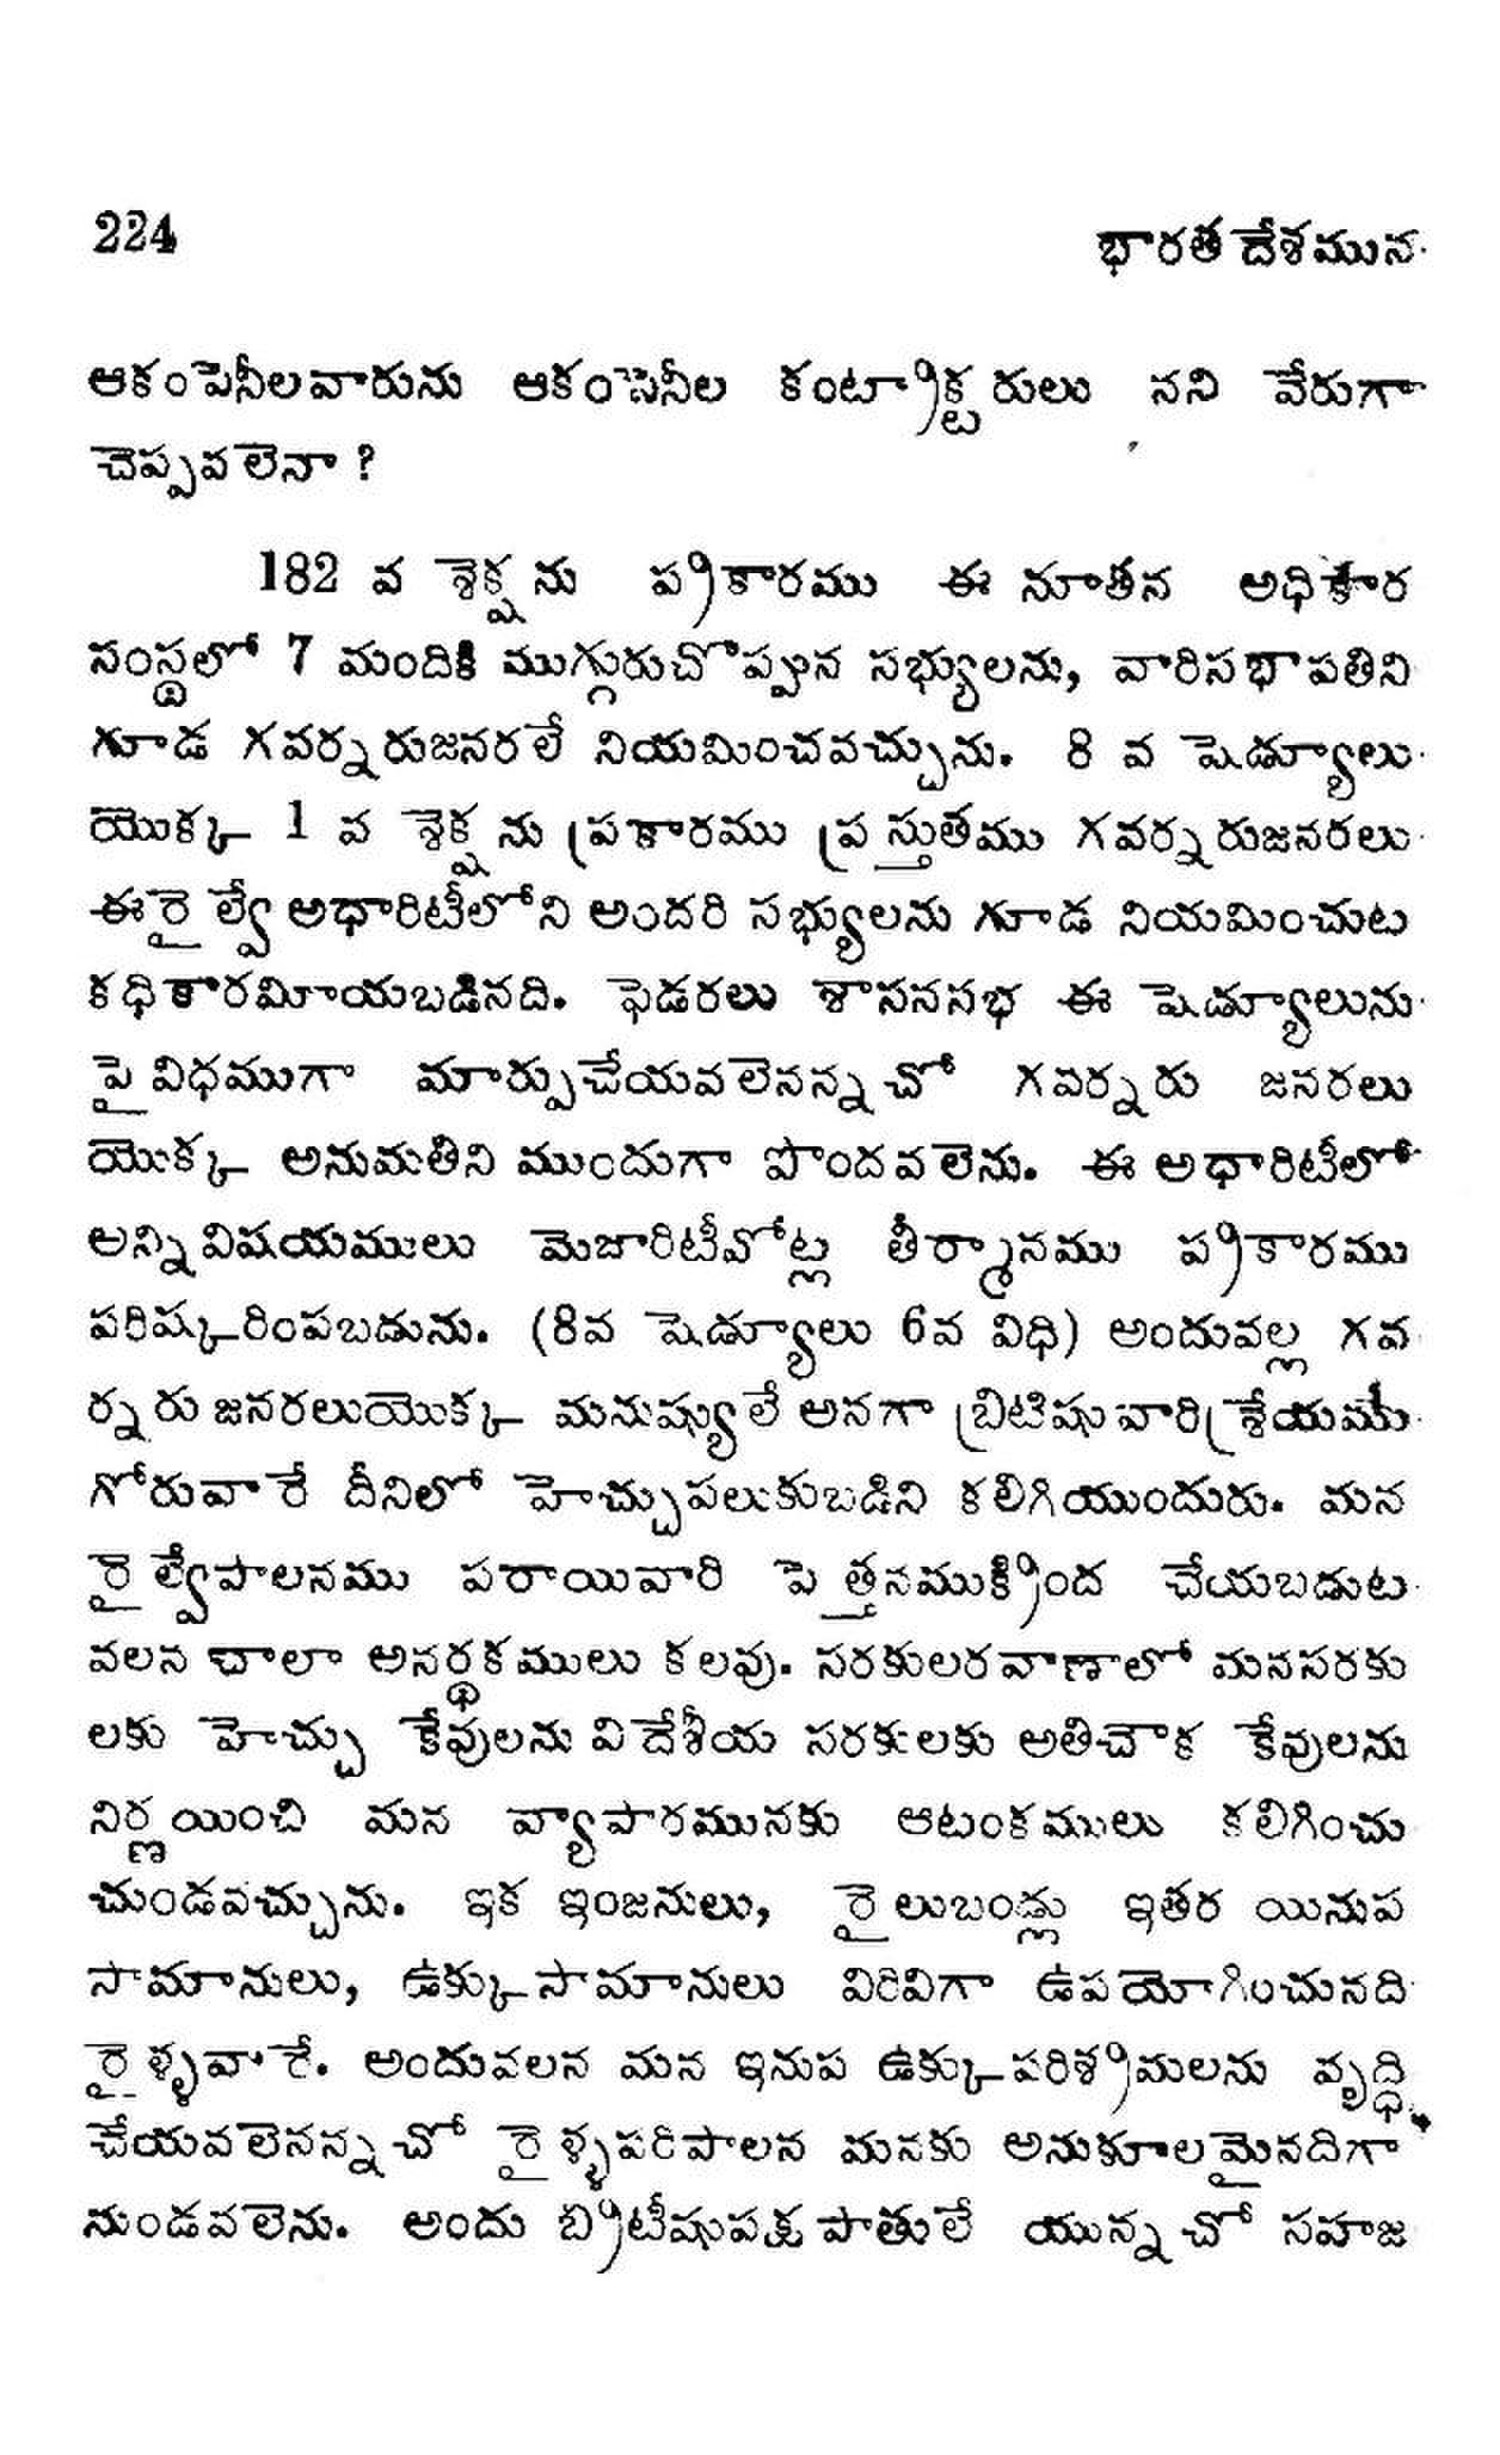ఆకంపెనీలవారును ఆకంపెనీల కంట్రాక్టరులు నని వేరుగా చెప్పవలెనా?

182 వ శెక్షను ప్రకారము ఈనూతన అధికారసంస్థలో 7 మందికి ముగ్గురుచొప్పున సభ్యులను, వారిసభాపతిని గూడ గవర్నరుజనరలే నియమించవచ్చును. 8 వ షెడ్యూలు యొక్క 1 వ శెక్షను ప్రకారము ప్రస్తుతము గవర్నరుజనరలు ఈరైల్వే అధారిటీలోని అందరి సభ్యులను గూడ నియమించుట కధికారమీయబడినది. ఫెడరలు శాసనసభ ఈ షెడ్యూలును పై విధముగా మార్పుచేయవలెనన్నచో గవర్నరు జనరలు యొక్క అనుమతిని ముందుగా పొందవలెను. ఈ అధారిటీలో అన్నివిషయములు మెజారిటీవోట్ల తీర్మానము ప్రకారము పరిష్కరింపబడును. (8వ షెడ్యూలు 6వ విధి) అందువల్ల గవర్నరు జనరలుయొక్క మనుష్యులే అనగా బ్రిటిషువారిశ్రేయము గోరువారే దీనిలో హెచ్చుపలుకుబడిని కలిగియుందురు. మన రైల్వేపాలనము పరాయివారి పెత్తనముక్రింద చేయబడుట వలన చాలా అనర్థకములు కలవు. సరకులరవాణాలో మనసరకులకు హెచ్చు కేవులను విదేశీయ సరకులకు అతిచౌక కేవులను నిర్ణయించి మన వ్యాపారమునకు ఆటంకములు కలిగించు చుండవచ్చును. ఇక ఇంజనులు, రైలుబండ్లు ఇతర యినుప సామానులు, ఉక్కు సామానులు విరివిగా ఉపయోగించునది రైళ్ళవారే. అందువలన మన ఇనుప ఉక్కు పరిశ్రమలను వృద్ధి చేయవలెనన్నచో రైళ్ళపరిపాలన మనకు అనుకూలమైనదిగా నుండవలెను. అందు బ్రిటీషుపక్షపాతులే యున్నచో సహజ